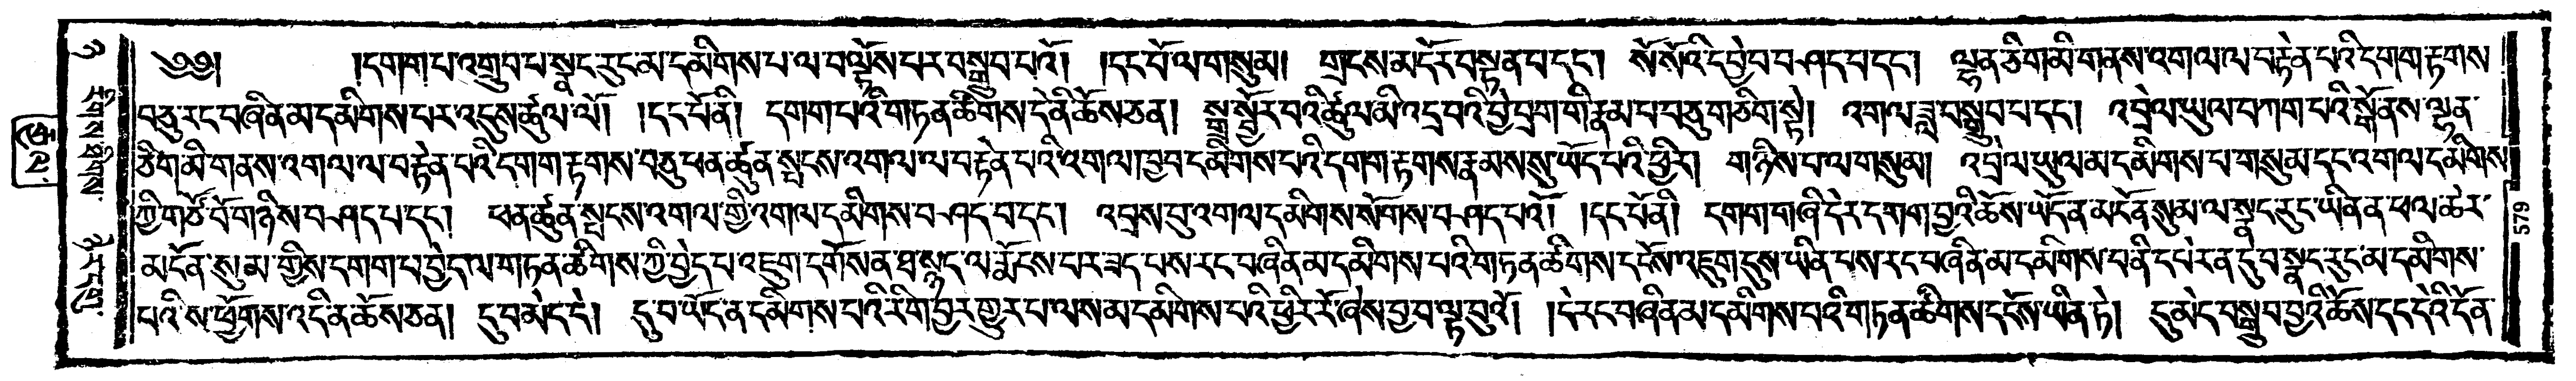༄༅། །དགག་པ་འགྲུབ་པ་སྣང་རུང་མ་དམིགས་པ་ལ་བལྟོས་པར་བསྒྲུབ་པའོ། །དང་པོ་ལ་གསུམ། གྲངས་མདོར་བསྟན་བ་དང་། སོ་སོའི་དབྱེ་བ་བཤད་པ་དང་། ལྷན་ཅིག་མི་གནས་འགལ་ལ་བརྟེན་པའི་དགག་རྟགས་
བཅུ་རང་བཞིན་མ་དམིགས་པར་འདུས་ཚུལ་ལོ། །དང་པོ་ནི། དགག་པའི་གཏན་ཚིག་དེ་ནི་ཆོས་ཅན། སྒྲ་སྦྱོར་བའི་ཚུལ་མི་འདྲ་བའི་བྱེ་བྲག་གི་རྣམ་པ་བཅུ་གཅིག་སྟེ། འགལ་ཟླ་བསྒྲུབ་པ་དང་། འབྲེལ་ཡུལ་བཀག་པའི་སྒོ་ནས་ལྷན་
ཅིག་མི་གནས་འགལ་ལ་བརྟེན་པའི་དགག་རྟགས་བཅུ་ཕུན་ཚུན་སྤང་འགལ་ལ་བརྟེན་པའི་འགལ་ཁྱབ་དམིགས་པའི་དགག་རྟགས་རྣམ་སུ་ཡོད་པའི་ཕྱིར། གཉིས་པ་ལ་གསུམ། འབྲེལ་ཡུལ་མ་དམིགས་པ་གསུམ་དང་འགལ་དམིགས་
ཀྱི་གཙོ་བོ་གཉིས་བཤད་པ་དང་། ཕན་ཚུན་སྤངས་འགལ་གྱི་འགལ་དམིགས་བཤད་བ་དང་། འབྲས་བུ་འགལ་དམིགས་སོགས་བཤད་པའོ། །དང་པོ་ནི། དགག་གཞི་དེར་དགག་བྱའི་ཆོས་ཡོད་ན་མངོན་སུམ་ལ་སྣང་རུང་ཡིན་ན་ཕལ་ཆེར་
མངོན་སུམ་གྱིས་དགག་པ་བྱེད་ལ་གཏན་ཚིགས་ཀྱི་བྱེད་པ་འཇུག་དགོས་ན་ཐ་སྙད་ལ་རྨོངས་པར་ཟད་པས་རང་བཞིན་མ་དམིགས་པའི་གཏན་ཚིགས་དངོས་འཇུག་དུས་ཡིན་པས་རང་བཞིན་མ་དམིགས་པ་ནི་དཔེར་ན་དུ་བ་སྣང་རུང་མ་དམིགས་
པའི་ས་ཕྱོགས་འདི་ན་ཆོས་ཅན། དུ་བ་མེད་དེ། དུ་བ་ཡོད་ན་དམིགས་པའི་རིག་བྱར་གྱུར་པ་ལས་མ་དམིགས་པའི་ཕྱིར་རོ་ཞེས་བྱ་བ་ལྟ་བུའོ། །དེ་རང་བཞིན་མ་དམིགས་པའི་གཏན་ཚིགས་དངོས་ཡིན་ཏེ། དུ་མེད་བསྒྲུབ་བྱའི་ཆོས་དང་དེའི་དོན་